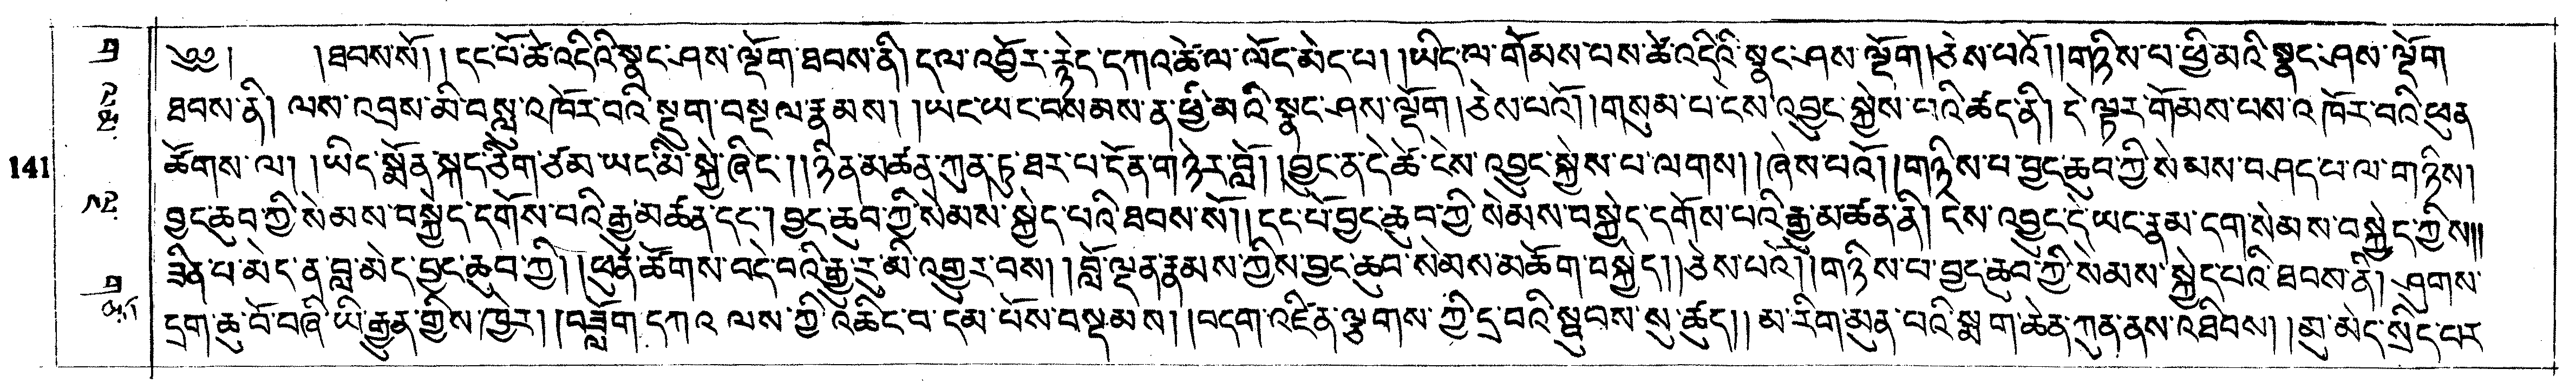༄༅། །ཐབས་སོ། །དང་པོ་ཚེ་འདིའི་སྣང་ཤས་ལྡོག་ཐབས་ནི། དལ་འབྱོར་རྙེད་དཀའ་ཚེ་ལ་ལོང་མེད་པ། །ཡིད་ལ་གོམས་པས་ཚེ་འདིའི་སྣང་ཤས་ལྡོག །ཅེས་པའོ། །གཉིས་པ་ཕྱི་མའི་སྣང་ཤས་ལྡོག་
ཐབས་ནི། ལས་འབྲས་མི་བསླུ་འཁོར་བའི་སྡུག་བསྔལ་རྣམས། །ཡང་ཡང་བསམས་ན་ཕྱི་མའི་སྣང་ཤས་ལྡོག །ཅེས་པའོ། །གསུམ་པ་ངེས་འབྱུང་སྐྱེས་པའི་ཚད་ནི། དེ་ལྟར་གོམས་པས་འཁོར་བའི་ཕུན་
ཚོགས་ལ། །ཡིད་སྨོན་སྐད་ཅིག་ཙམ་ཡང་མི་སྐྱེ་ཞིང་། །ཉིན་མཚན་ཀུན་ཏུ་ཐར་པ་དོན་གཉེར་བློ། །བྱུང་ན་དེ་ཚེ་ངེས་འབྱུང་སྐྱེས་པ་ལགས། །ཞེས་པའོ། །གཉིས་པ་བྱང་ཆུབ་ཀྱི་སེམས་བཤད་པ་ལ་གཉིས།
བྱང་ཆུབ་ཀྱི་སེམས་བསྐྱེད་དགོས་པའི་རྒྱུ་མཚན་དང་། བྱང་ཆུབ་ཀྱི་སེམས་སྐྱེད་པའི་ཐབས་སོ། །དང་པོ་བྱང་ཆུབ་ཀྱི་སེམས་བསྐྱེད་དགོས་པའི་རྒྱུ་མཚན་ནི། ངེས་འབྱུང་དེ་ཡང་རྣམ་དག་སེམས་བསྐྱེད་ཀྱིས། །
ཟིན་པ་མེད་ན་བླ་མེད་བྱང་ཆུབ་ཀྱི། །ཕུན་ཚོགས་བདེ་བའི་རྒྱུ་རུ་མི་འགྱུར་བས། །བློ་ལྡན་རྣམས་ཀྱིས་བྱང་ཆུབ་སེམས་མཆོག་བསྐྱེད། །ཅེས་པའོ། །གཉིས་པ་བྱང་ཆུབ་ཀྱི་སེམས་སྐྱེད་པའི་ཐབས་ནི། ཤུགས་
དྲག་ཆུ་བོ་བཞི་ཡི་རྒྱུན་གྱིས་ཁྱེར། །བཟློག་དཀའ་ལས་ཀྱི་འཆིང་བ་དམ་པོས་བསྡམས། །བདག་འཛིན་ལྕགས་ཀྱི་དྲ་བའི་སྦུབས་སུ་ཚུད། །མ་རིག་མུན་བའི་སྨག་ཆེན་ཀུན་ནས་འཐིབས། །མུ་མེད་སྲིད་པར་